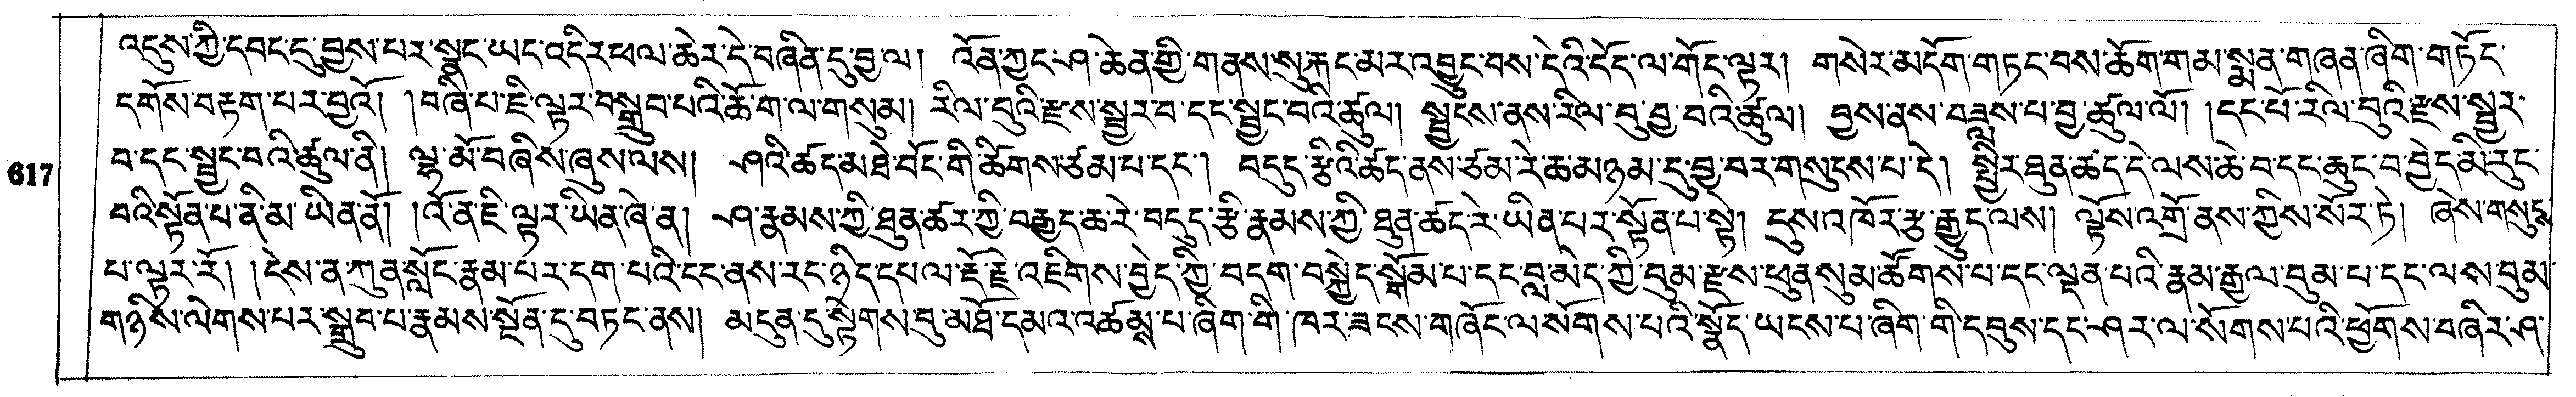འདུས་ཀྱི་དབང་དུ་བྱས་པར་སྣང་ཡང་འདིར་ཕལ་ཆེར་དེ་བཞིན་དུ་བྱ་ལ། འོན་ཀྱང་ཤ་ཆེན་གྱི་གནས་སུ་རྐང་མར་འབྱུང་བས་དེའི་དོད་ལ་གོང་ལྟར། གསེར་མདོག་གཏང་བས་ཆོག་གམ་སྨན་གཞན་ཞིག་གཏོང་
དགོས་བརྟག་པར་བྱའོ། །བཞི་པ་ཇི་ལྟར་བསྒྲུབ་པའི་ཆོ་ག་ལ་གསུམ། རིལ་བུའི་རྫས་སྦྱར་བ་དང་སྦྱང་བའི་ཚུལ། སྦྱངས་ནས་རིལ་བུ་བྱ་བའི་ཚུལ། བྱས་ནས་བཟླས་པ་བྱ་ཚུལ་ལོ། །དང་པོ་རིལ་བུའི་རྫས་སྦྱར་
བ་དང་སྦྱང་བའི་ཚུལ་ནི། ལྷ་མོ་བཞིས་ཞུས་ལས། ཤའི་ཚད་མཐེ་བོང་གི་ཚིགས་ཙམ་པ་དང་། བདུད་རྩིའི་ཚད་ནས་ཙམ་རེ་ཆ་མཉམ་དུ་བྱ་བར་གསུངས་པ་དེ། སྤྱིར་ཐུན་ཚད་དེ་ལས་ཆེ་བ་དང་ཆུང་བ་བྱེད་མི་རུང་
བའི་སྟོན་པ་ནི་མ་ཡིན་ནོ། །འོ་ན་ཇི་ལྟར་ཡིན་ཞེ་ན། ཤ་རྣམས་ཀྱི་ཐུན་ཚར་ཀྱི་བརྒྱད་ཆ་རེ་བདུད་རྩི་རྣམས་ཀྱི་ཐུན་ཚད་རེ་ཡིན་པར་སྟོན་པ་སྟེ། དུས་འཁོར་རྩ་རྒྱུད་ལས། ལྟོས་འགྲོ་ནས་ཀྱིས་སོར་ཏེ། ཞེས་གསུངས་
པ་ལྟར་རོ། །དེས་ན་ཀུན་སློང་རྣམ་པར་དག་པའི་ངང་ནས་རང་ཉིད་དཔལ་རྡོ་རྗེ་འཇིགས་བྱེད་ཀྱི་བདག་བསྐྱེད་སྒོམ་པ་དང་བླ་མེད་ཀྱི་བུམ་རྫས་ཕུན་སུམ་ཚོགས་པ་དང་ལྡན་པའི་རྣམ་རྒྱལ་བུམ་པ་དང་ལས་བུམ་
གཉིས་ལེགས་པར་སྒྲུབ་པ་རྣམས་སྔོན་དུ་བཏང་ནས། མདུན་དུ་སྟེགས་བུ་མཐོ་དམའ་འཚམས་པ་ཞིག་གི་ཁར་ཟངས་གཞོང་ལ་སོགས་པའི་སྣོད་ཡངས་པ་ཞིག་གི་དབུས་དང་ཤར་ལ་སོགས་པའི་ཕྱོགས་བཞིར་ཤ་